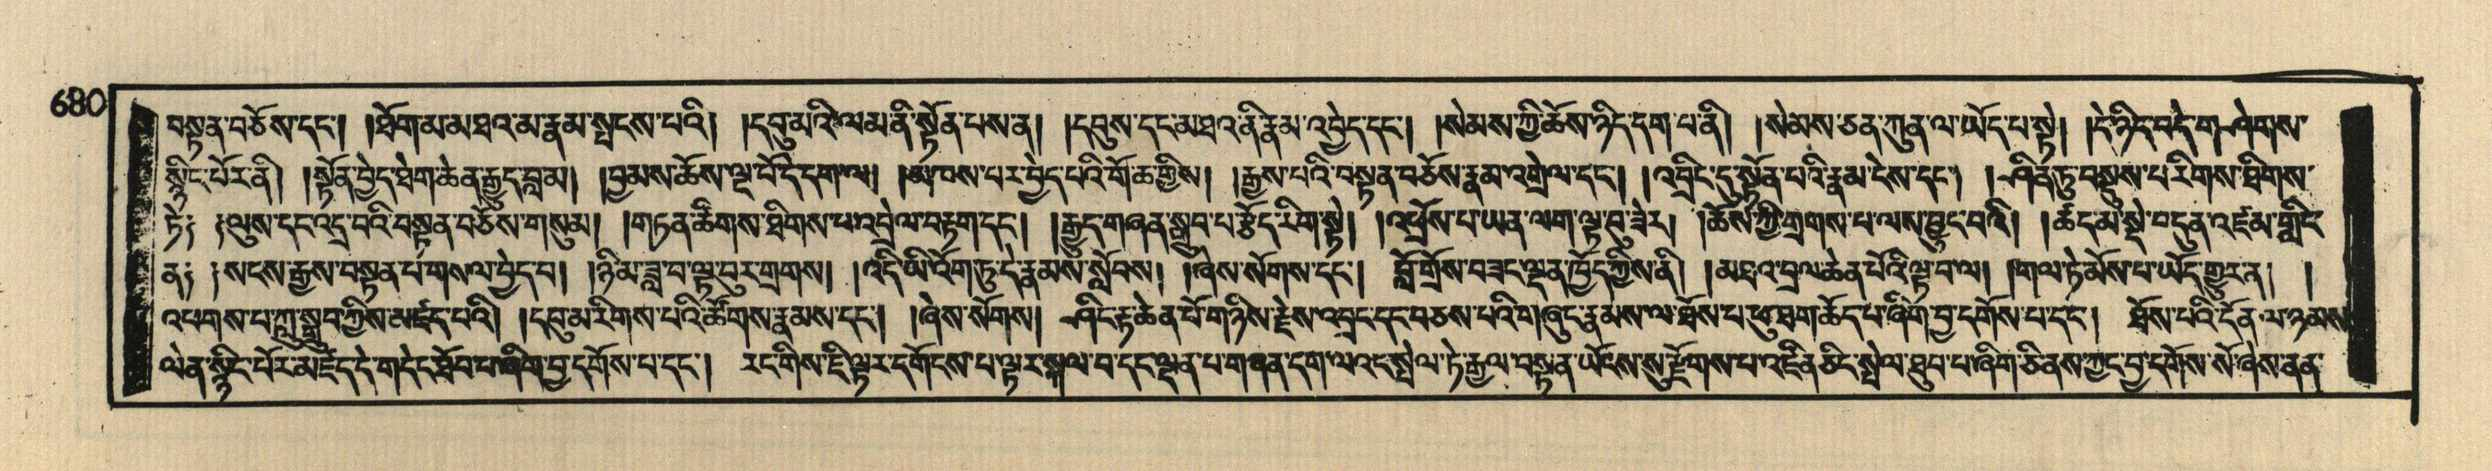བསྟན་བཅོས་དང་། །ཐོག་མ་མཐའ་མ་རྣམ་སྤངས་པའི། །དབུ་མའི་ལམ་ནི་སྟོན་པས་ན། །དབུས་དང་མཐའ་ནི་རྣམ་འབྱེད་དང་། །སེམས་ཀྱི་ཆོས་ཉིད་དག་པ་ནི། །སེམས་ཅན་ཀུན་ལ་ཡོད་པ་སྟེ། །དེ་ཉིད་བདེ་གཤེགས་
སྙིང་པོར་ནི། །སྟོན་བྱེད་ཐེག་ཆེན་རྒྱུད་བླ་མ། །བྱམས་ཆོས་ལྔ་བོ་དེ་དག་ལ། །མཁས་པར་བྱེད་པའི་གོ་ཆ་གྱིས། །རྒྱས་པའི་བསྟན་བཅོས་རྣམ་འགྲེལ་དང་། །འབྲིང་དུ་སྟོན་པའི་རྣམ་ངེས་དང་། །ཤིན་ཏུ་བསྡུས་པ་རིགས་ཐིགས་
ཏེ༑ ༑ལུས་དང་འདྲ་བའི་བསྟན་བཅོས་གསུམ། །གཏན་ཚིགས་ཐིགས་པ་འབྲེལ་བརྟག་དང་། །རྒྱུད་གཞན་སྒྲུབ་པ་རྩོད་རིག་སྟེ། །འཕྲོས་པ་ཡན་ལག་ལྟ་བུ་ཟེར། །ཆོས་ཀྱི་གྲགས་པ་ལས་བྱུང་བའི། །ཚད་མ་སྡེ་བདུན་འཛམ་གླིང་
ན༑ ༑སངས་རྒྱས་བསྟན་པ་གསལ་བྱེད་པ། །ཉི་མ་ཟླ་བ་ལྟ་བུར་གྲགས། །འདི་ཡི་འོག་ཏུ་དེ་རྣམས་སློབས། །ཞེས་སོགས་དང་། བློ་གྲོས་བཟང་ལྡན་ཁྱོད་ཀྱིས་ནི། །མཐའ་བྲལ་ཆེན་པོའི་ལྟ་བ་ལ། །གལ་ཏེ་མོས་པ་ཡོད་གྱུར་ན། །
འཕགས་པ་ཀླུ་སྒྲུབ་ཀྱིས་མཛད་པའི། །དབུ་མ་རིགས་པའི་ཚོགས་རྣམས་དང་། །ཞེས་སོགས། ཤིང་རྟ་ཆེན་པོ་གཉིས་རྗེས་འབྲང་དང་བཅས་པའི་གཞུང་རྣམས་ལ་ཐོས་པ་ཕུ་ཐག་ཆོས་པ་ཞིག་བྱ་དགོས་པ་དང་། ཐོས་པའི་དོན་ལ་ཉམས་
ལེན་སྙིང་པོར་མཛད་དེ་གདེང་ཐོབ་པ་ཞིག་བྱ་དགོས་པ་དང་། རང་གིས་ཇི་ལྟར་དགོངས་པ་ལྟར་སྐལ་བ་དང་ལྡན་པ་གཞན་དག་ལའང་སྤེལ་ཏེ་རྒྱལ་བསྟན་ཡོངས་སུ་རྫོགས་པ་འཛིན་ཅིང་སྤེལ་ཐུབ་པ་ཞིག་ཅི་ནས་ཀྱང་བྱ་དགོས་སོ་ཞེས་ནན་